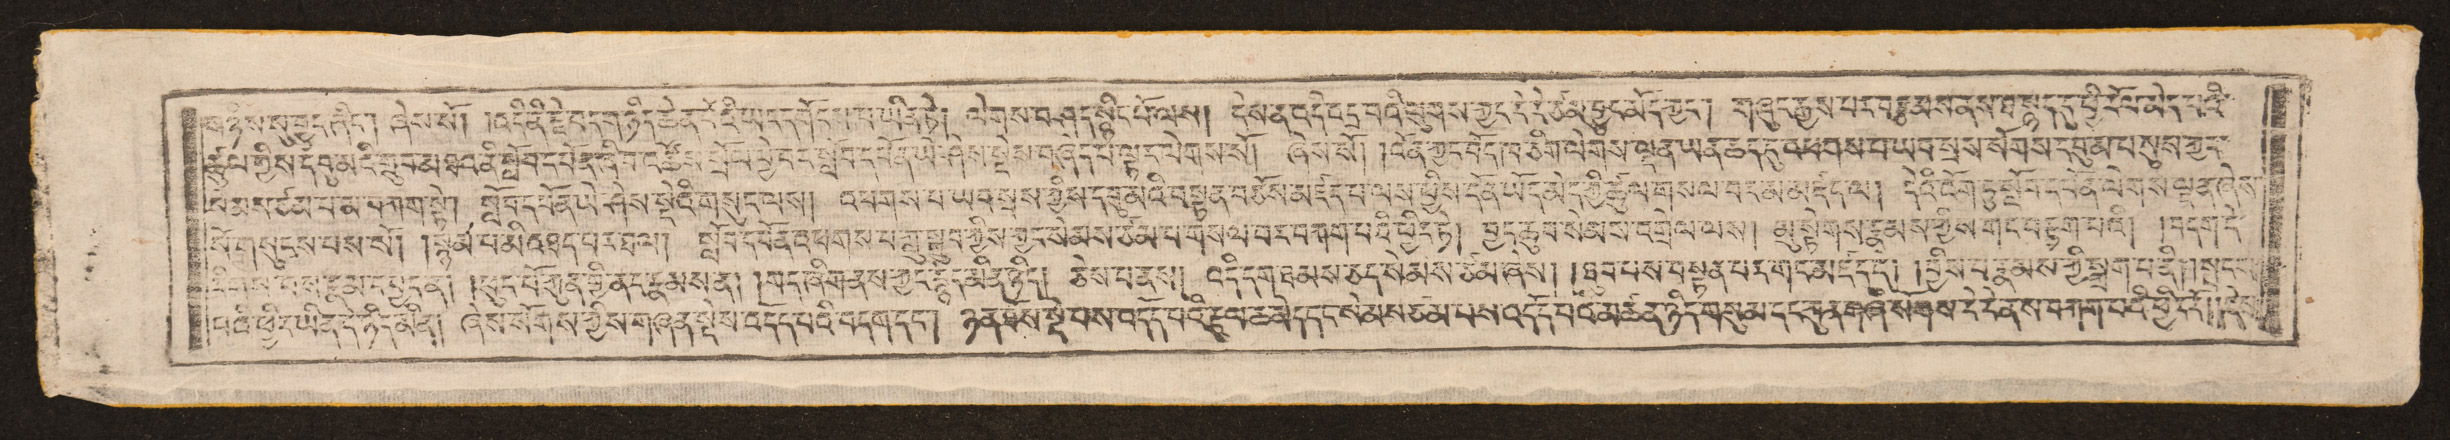གཉིས་སུ་བྱུང་ཞིང་། ཞེས་སོ། །འདི་ནི་རྗེ་བདག་ཉིད་ཆེན་པོའི་ཡང་དགོངས་པ་ཡིན་ཏེ། ལེགས་བཤད་སྙིང་པོ་ལས། དེས་ན་འདི་འདྲ་བའི་ལུགས་ཀྱང་རེ་རེ་ཙམ་བྱུང་མོད་ཀྱང་། གཞུང་རྒྱས་པར་བརྩམས་ནས་ཐ་སྙད་དུ་ཕྱི་རོལ་མེད་པའི་
ཚུལ་གྱིས་དབུ་མའི་གྲུབ་མཐའ་ནི་སློབ་དཔོན་ཞི་བ་འཚོས་སྲོལ་ཕྱེ་བར་སློབ་དཔོན་ཡེ་ཤེས་སྡེས་བཞེད་པ་ལྟར་ལེགས་སོ། ཞེས་སོ། །འོན་ཀྱང་བོད་ཁ་ཅིག་ལེགས་ལྡན་ཡན་ཆད་དུ་འཕགས་པ་ཡབ་སྲས་སོགས་དབུ་མ་བ་སུས་ཀྱང་
སེམས་ཙམ་པ་མ་བཀག་སྟེ། སློབ་དཔོན་ཡེ་ཤེས་སྡེའི་གསུང་ལས། འཕགས་པ་ཡབ་སྲས་ཀྱིས་དབུ་མའི་བསྟན་བཅོས་མཛད་པ་ལས་ཕྱིས་དོན་ཡོད་མེད་ཀྱི་ཚུལ་གསལ་བར་མ་མཛད་ལ། དེའི་འོག་ཏུ་སློབ་དཔོན་ལེགས་ལྡན་ཞེས་
སོ་གསུངས་པས་སོ། །སྙམ་པ་མི་འཐད་པར་ཐལ། སློབ་དཔོན་འཕགས་པ་ཀླུ་སྒྲུབ་ཀྱིས་ཀྱང་སེམས་ཙམ་པ་གསལ་བར་བཀག་པའི་ཕྱིར་ཏེ། བྱང་ཆུབ་སེམས་འགྲེལ་ལས། མུ་སྟེགས་རྣམས་ཀྱིས་གང་བརྟག་པའི། །བདག་དེ་
རིགས་པས་རྣམ་དབྱད་ན། །ཕུང་བོ་ཀུན་གྱི་ནང་རྣམས་ན། །གང་ཞི་གནས་ཀྱང་རྙེད་མིན་ཉིད། ཅེས་པ་ནས། འདི་དག་ཐམས་ཅད་སེམས་ཙམ་ཞེས། །ཐུབ་པས་བསྟན་པར་གང་མཛད་དེ། །བྱིས་པ་རྣམས་ཀྱི་སྒྲག་པ་ནི། །སྤངས་
བའི་ཕྱིར་ཡིན་དེ་ཉིད་མིན། ཞེས་སོགས་ཀྱིས་གཞན་སྡེས་འདོད་པའི་བདག་དང་། ཉན་ཐོས་སྡེ་པས་འདོད་པའི་རྡུལ་ཆ་མེད་དང་སེམས་ཙམ་པས་འདོད་པའི་མཚན་ཉིད་གསུམ་དང་ཀུན་གཞི་སོགས་རེ་རེ་ནས་བཀག་པའི་ཕྱིར་རོ། །དེས་